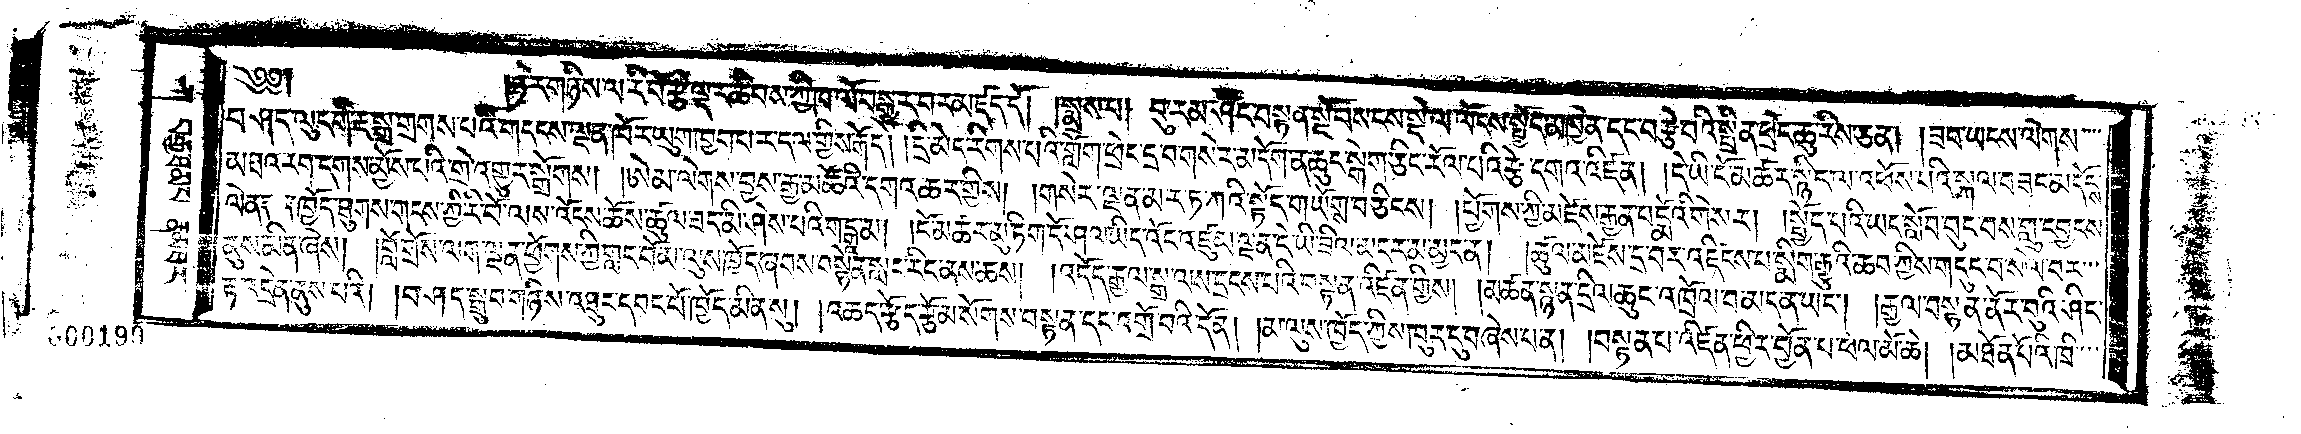༄༅། །ཉེར་གཉིས་ལ་རི་བོ་རྩེ་ལྔར་ཆིབས་ཀྱི་ཁ་ལོ་བསྒྱུར་བར་མཛད་དོ། །སྨྲས་པ། བུ་རམ་ཤིང་བསྟན་སྔོ་བསངས་སྡེ་ལ་ལོངས་སྤྱོད་མཁྱེན་དང་བརྩེ་བའི་སྤྲིན་ཕྲེང་ཆུ་རིས་ཅན། །ཟབ་ཡངས་ལེགས་
བཤད་ལུང་གི་རྔ་སྒྲ་གྲགས་པའི་གདངས་ལྡན་ཁོང་ཡུག་ཁྱབ་པར་དལ་གྱིས་རྒོད། །དྲི་མེད་རིགས་པའི་གློག་ཕྲེང་དྲ་བ་གསེར་མདོག་ན་ཆུང་སྒེག་ཅིང་རོལ་པའི་རྩེ་དགའ་འཛིན། །དེ་ཡི་ངོ་མཚར་སྙིང་ལ་འཕོས་པའི་སྐལ་བཟང་མདོངས་
མཐའ་རབ་དགས་མྱོས་པའི་གྲེ་འགྱུར་སྒྲོགས། །ཨེ་མ་ལེགས་བྱས་རྒྱ་མཚོའི་དགའ་ཆར་གྱིས། །གསེར་ལྡན་མ་ར་ཏ་ཀའི་སྟོད་གཡོགས་བཅིངས། །ཕྱོགས་ཀྱི་མཛེས་རྒྱན་པདམོའི་གེ་སར། །སྤྱོད་པའི་ཡང་སློབ་བུང་བས་གླུ་དབྱངས་
ལེན༑ ༑ཁྱོད་ཐུགས་གངས་ཀྱི་རི་བོ་ལས་འོངས་ཆོས་ཚུལ་ཟད་མི་ཤེས་པའི་གངྒཱ་མ། །ངོ་མཚར་མུ་ཏིག་དོ་ཤལ་ཡིད་འོང་འཛུམ་ལྡན་དེ་ཡི་ཟིལ་མངར་མ་མྱང་ན། །ཚུལ་མཛེས་དྲ་བར་འཛངས་པ་སྨིག་རྒྱུའི་ཆབ་ཀྱིས་གདུང་པ་སེལ་བར་
ནུས་མིན་ཞེས། །བློ་གྲོས་ལག་ལྡན་ཕྱོགས་ཀྱི་གླང་པོ་མ་ལུས་ཁྱོད་ཞབས་བསྟེན་སླད་རིང་ནས་ཆས། །འདོད་རྒྱལ་སྒྲ་ལས་དྲངས་པའི་བསྟན་འཛིན་གྱིས། །མཚན་སྙན་དྲིལ་ཆུང་འཁྲོལ་བ་མང་ན་ཡང་། །རྒྱལ་བསྟན་ནོར་བུའི་ཤིང་
རྟ་འདྲེན་ནུས་པའི། །བཤད་སྒྲུབ་གཉིས་འཐུང་དབང་པོ་ཁྱོད་མིན་སུ། །འཆད་རྩོད་རྩོམ་སོགས་བསྟན་དང་འགྲོ་བའི་དོན། །མ་ལུས་ཁྱོད་ཀྱིས་ཁུར་དུ་བཞེས་པ་ན། །བསྟན་པ་འཛིན་ཕྱིར་བྱོན་པ་ཕལ་མོ་ཆེ། །མཐོན་པོའི་ཁྲི་